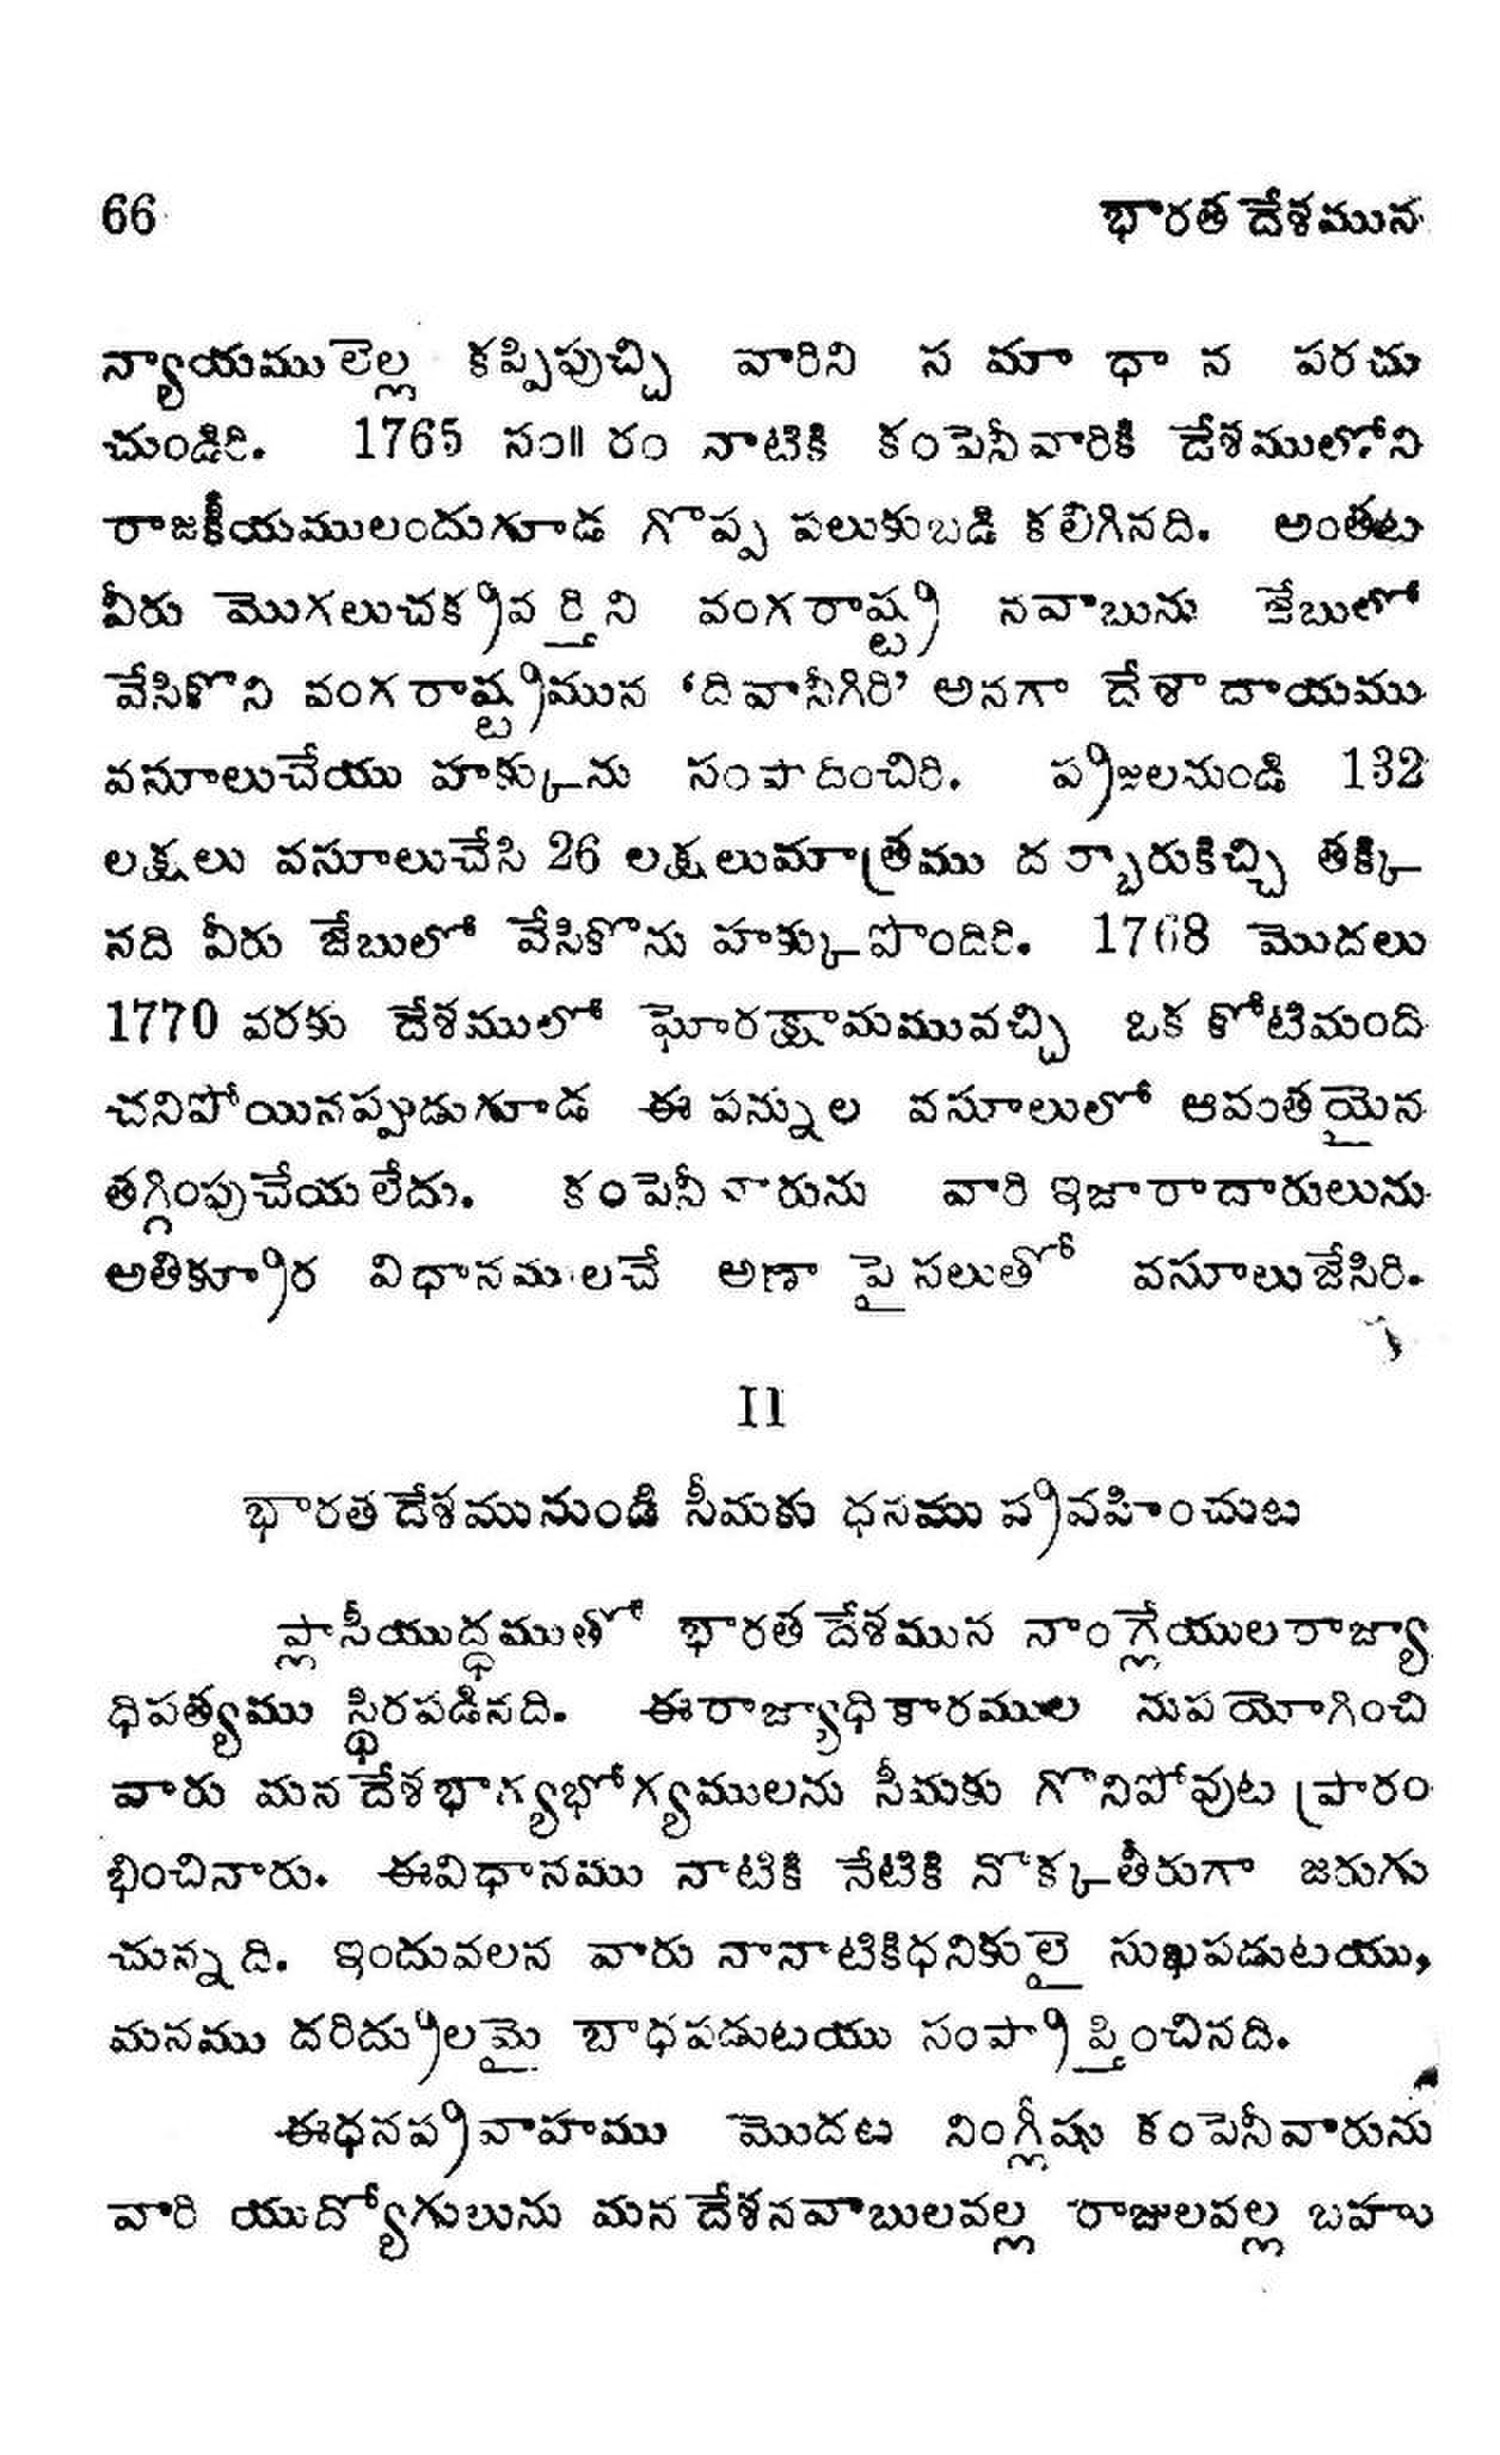న్యాయములెల్ల కప్పిపుచ్చి వారిని సమాధాన పరచుచుండిరి. 1765 సం|| రం నాటికి కంపెనీవారికి దేశములోని రాజకీయములందుగూడ గొప్ప పలుకుబడి కలిగినది. అంతట వీరు మొగలుచక్రవర్తిని వంగరాష్ట్ర నవాబును జేబులో వేసికొని వంగరాష్ట్రమున 'దివానీగిరి' అనగా దేశాదాయము వసూలుచేయు హక్కును సంపాదించిరి. ప్రజలనుండి 132 లక్షలు వసూలుచేసి 26 లక్షలుమాత్రము దర్బారుకిచ్చి తక్కి నది వీరు జేబులో వేసికొను హక్కుపొందిరి. 1768 మొదలు 1770 వరకు దేశములో ఘోరక్షామమువచ్చి ఒక కోటిమంది చనిపోయినప్పుడుగూడ ఈ పన్నుల వసూలులో ఆవంతయైన తగ్గింపుచేయలేదు. కంపెనీవారును వారి ఇజారాదారులును అతిక్రూర విధానములచే అణా పైసలుతో వసూలుజేసిరి.

II
భారతదేశమునుండి సీమకు ధనము ప్రవహించుట

ప్లాసీయుద్దముతో భారతదేశమున నాంగ్లేయులరాజ్యాధిపత్యము స్థిరపడినది. ఈరాజ్యాధికారముల నుపయోగించి వారు మనదేశభాగ్యభోగ్యములను సీమకు గొనిపోవుట ప్రారంభించినారు. ఈవిధానము నాటికి నేటికి నొక్కతీరుగా జరుగుచున్నది. ఇందువలన వారు నానాటికిధనికులై సుఖపడుటయు, మనము దరిద్రులమై బాధపడుటయు సంప్రాప్తించినది.

ఈధనప్రవాహము మొదట నింగ్లీషు కంపెనీవారును వారి యుద్యోగులును మన దేశనవాబులవల్ల రాజులవల్ల బహు